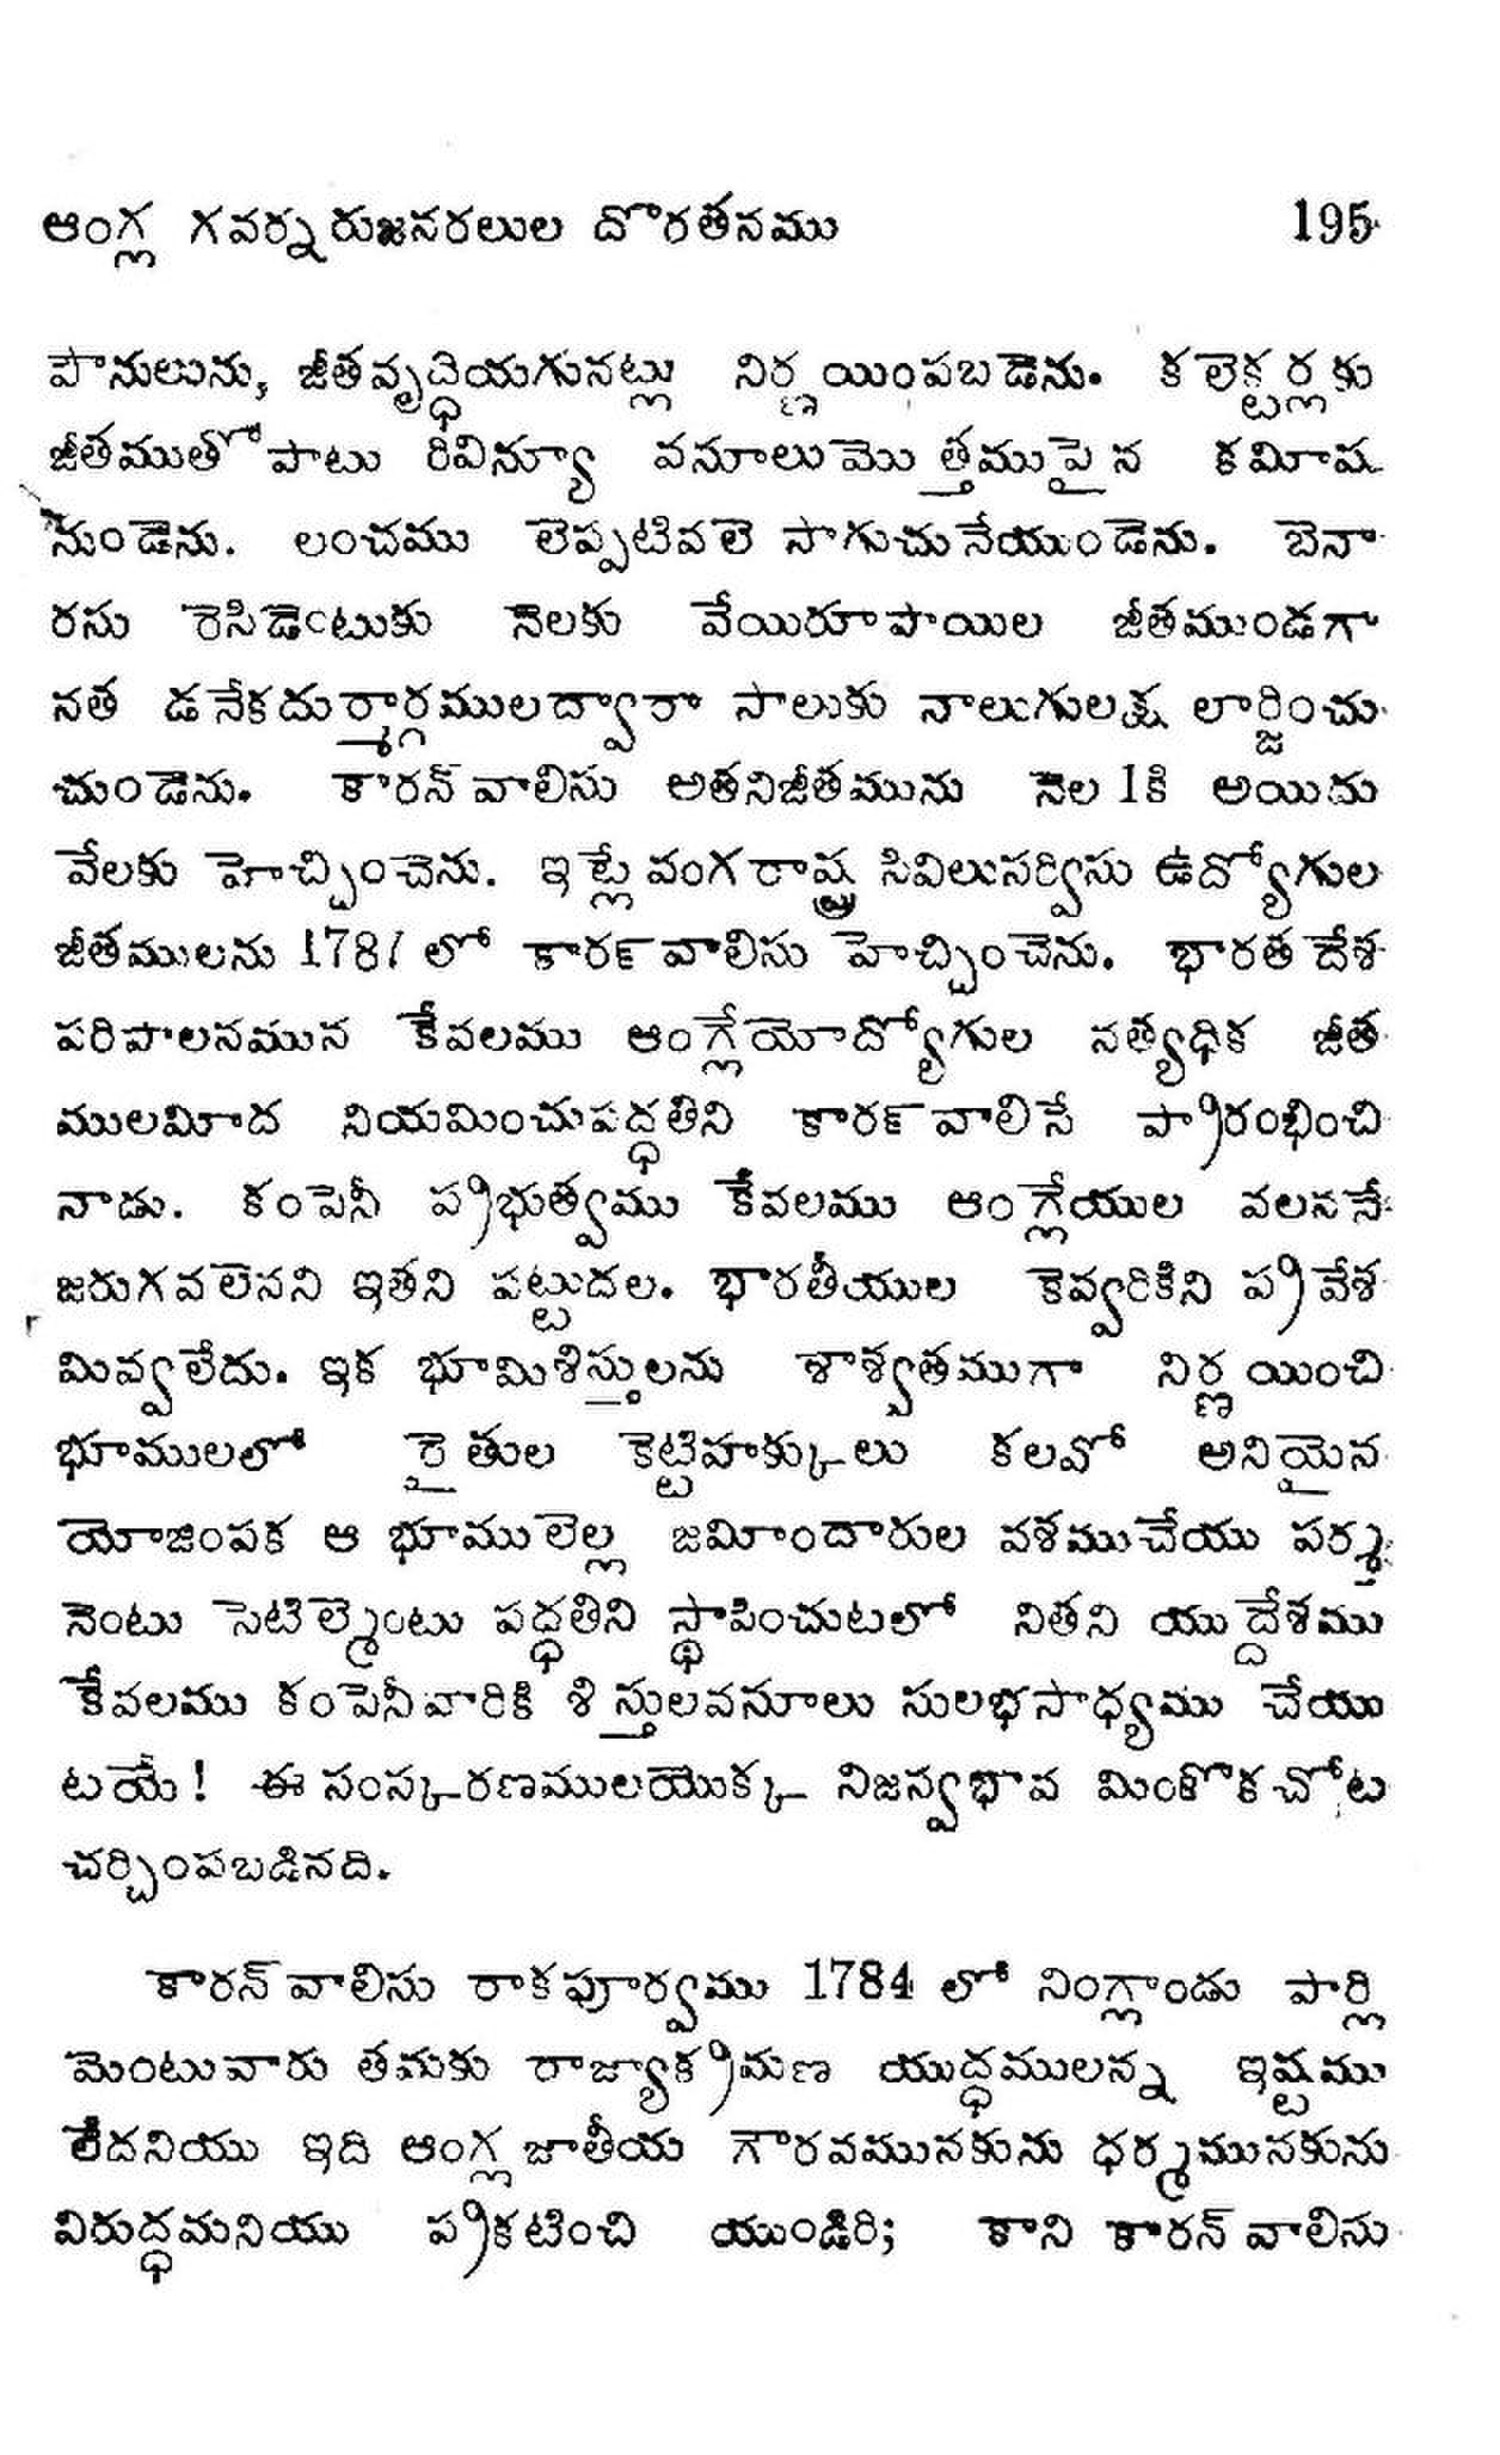పౌనులును, జీతవృద్ధియగునట్లు నిర్ణయింపబడెను. కలెక్టర్లకు జీతముతోపాటు రివిన్యూ వసూలుమొత్తముపైన కమీష నుండెను. లంచము లెప్పటివలె సాగుచునేయుండెను. బెనారసు రెసిడెఁటుకు నెలకు వేయిరూపాయిల జీతముండగా నత డనేకదుర్మార్గములద్వారా సాలుకు నాలుగులక్ష లార్జించుచుండెను. కారన్ వాలిసు అతనిజీతమును నెల 1కి అయిదువేలకు హెచ్చించెను. ఇట్లే వంగరాష్ట్ర సివిలుసర్వీసు ఉద్యోగుల జీతములను 1787 లో కార౯వాలిసు హెచ్చించెను. భారతదేశపరిపాలనమున కేవలము ఆంగ్లేయోద్యోగుల నత్యధిక జీతములమీద నియమించుపద్దతిని కార౯వాలిసే ప్రారంభించినాడు. కంపెనీ ప్రభుత్వము కేవలము ఆంగ్లేయుల వలననే జరుగవలెనని ఇతని పట్టుదల. భారతీయుల కెవ్వరికిని ప్రవేశ మివ్వలేదు. ఇక భూమిశిస్తులను శాశ్వతముగా నిర్ణయించి భూములలో రైతుల కెట్టిహక్కులు కలవో అనియైన యోజింపక ఆ భూములెల్ల జమీందారుల వశముచేయు పర్మనెంటు సెటిల్మెంటు పద్దతిని స్థాపించుటలో నితని యుద్దేశము కేవలము కంపెనీవారికి శిస్తులవసూలు సులభసాధ్యము చేయుటయే ! ఈ సంస్కరణములయొక్క నిజస్వభావ మింకొకచోట చర్చింపబడినది.

కారన్ వాలిసు రాకపూర్వము 1784 లో నింగ్లాండు పార్లిమెంటువారు తమకు రాజ్యాక్రమణ యుద్ధములన్న ఇష్టము లేదనియు ఇది ఆంగ్ల జాతీయ గౌరవమునకును ధర్మమునకును విరుద్దమనియు ప్రకటించి యుండిరి; కాని కారన్ వాలిసు